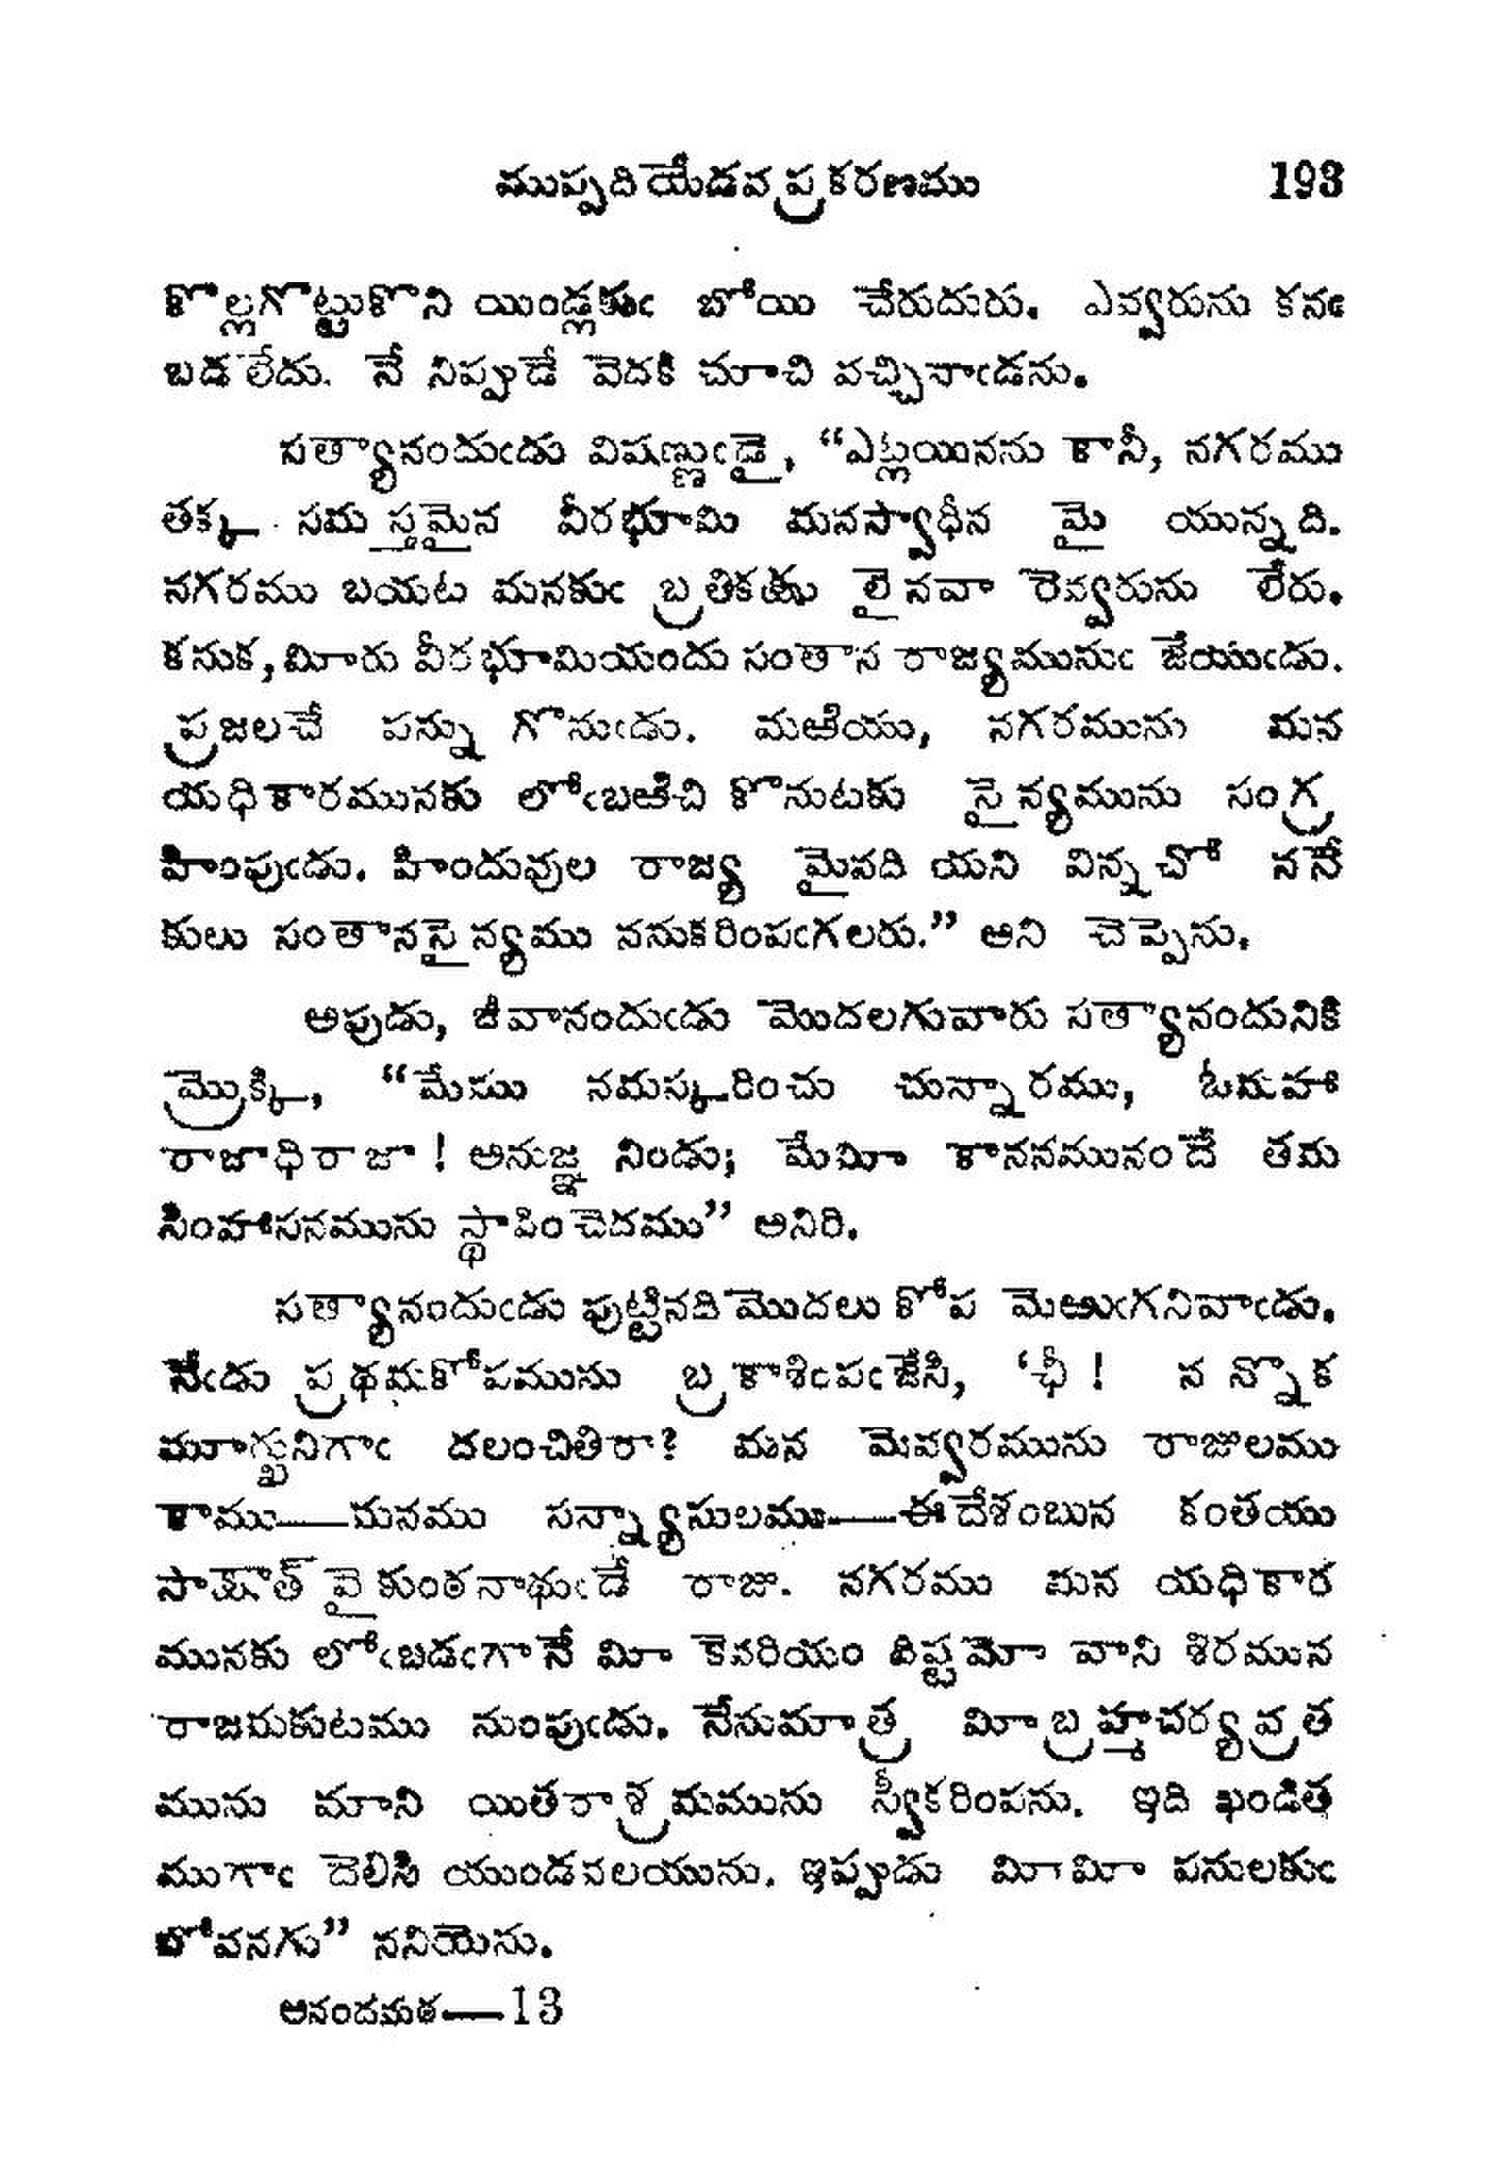కొల్లగొట్టుకొని యిండ్లకుఁ బోయి చేరుదురు, ఎవ్వరును కనఁబడ లేదు. నే నిప్పుడే వెదకి చూచి వచ్చినాఁడను.

సత్యానందుఁడు విషణ్ణుఁడై , "ఎట్లయినను కానీ, నగరము తక్క సమస్తమైన వీరభూమి మనస్వాధీన మై యున్నది.
నగరము బయట మనకుఁ బ్రతికక్షు లైనవా రెవ్వరును లేరు. కనుక, మీరు వీరభూమియందు సంతాన రాజ్యమునుఁ జేయుఁడు, ప్రజలచే పన్ను గొనుఁడు. మఱియు, నగరమును మన యధికారమునకు లోఁబఱిచి కొనుటకు సైన్యమును సంగ్రహింపుఁడు. హిందువుల రాజ్య మైనది యని విన్నచో ననేకులు సంతాన సైన్యము ననుకరింపఁగలరు.” అని చెప్పెను.

అపుడు, జీవానందుఁడు మొదలగువారు సత్యానందునికి మ్రొక్కి, “మేము నమస్కరించు చున్నారము, ఓమహా
రాజాధిరాజా ! అనుజ్ఞ నిండు; మేమీ కాననమునందే తమ సింహాసనమును స్థాపించెదము" అనిరి.

సత్యానందుఁడు పుట్టినది మొదలు కోప మెఱుఁగనివాఁడు, నేఁడు ప్రథమ కోపమును బ్రకాశింపఁ జేసి, 'చీ ! నన్నొక
మూర్ఖునిగాఁ దలంచితిరా? మన మెవ్వరమును రాజులము కాము——మనము సన్న్యాసులము—— ఈ దేశంబున కంతయు
సాక్షాత్ వైకుంఠ నాథుఁడే రాజు. నగరము మన యధికారమునకు లోఁబడఁగానే మీ కెవరియం దిష్టమో వాని శిరమున
రాజమకుటము నుంపుఁడు. నేనుమాత్ర మీ బ్రహ్మచర్య వ్రతమును మాని యితరాశ్రమమును స్వీకరింపను, ఇది ఖండిత
ముగాఁ దెలిసి యుండవలయును. ఇప్పుడు మీ మీ పనులకుఁ బోవనగు" ననియెను.